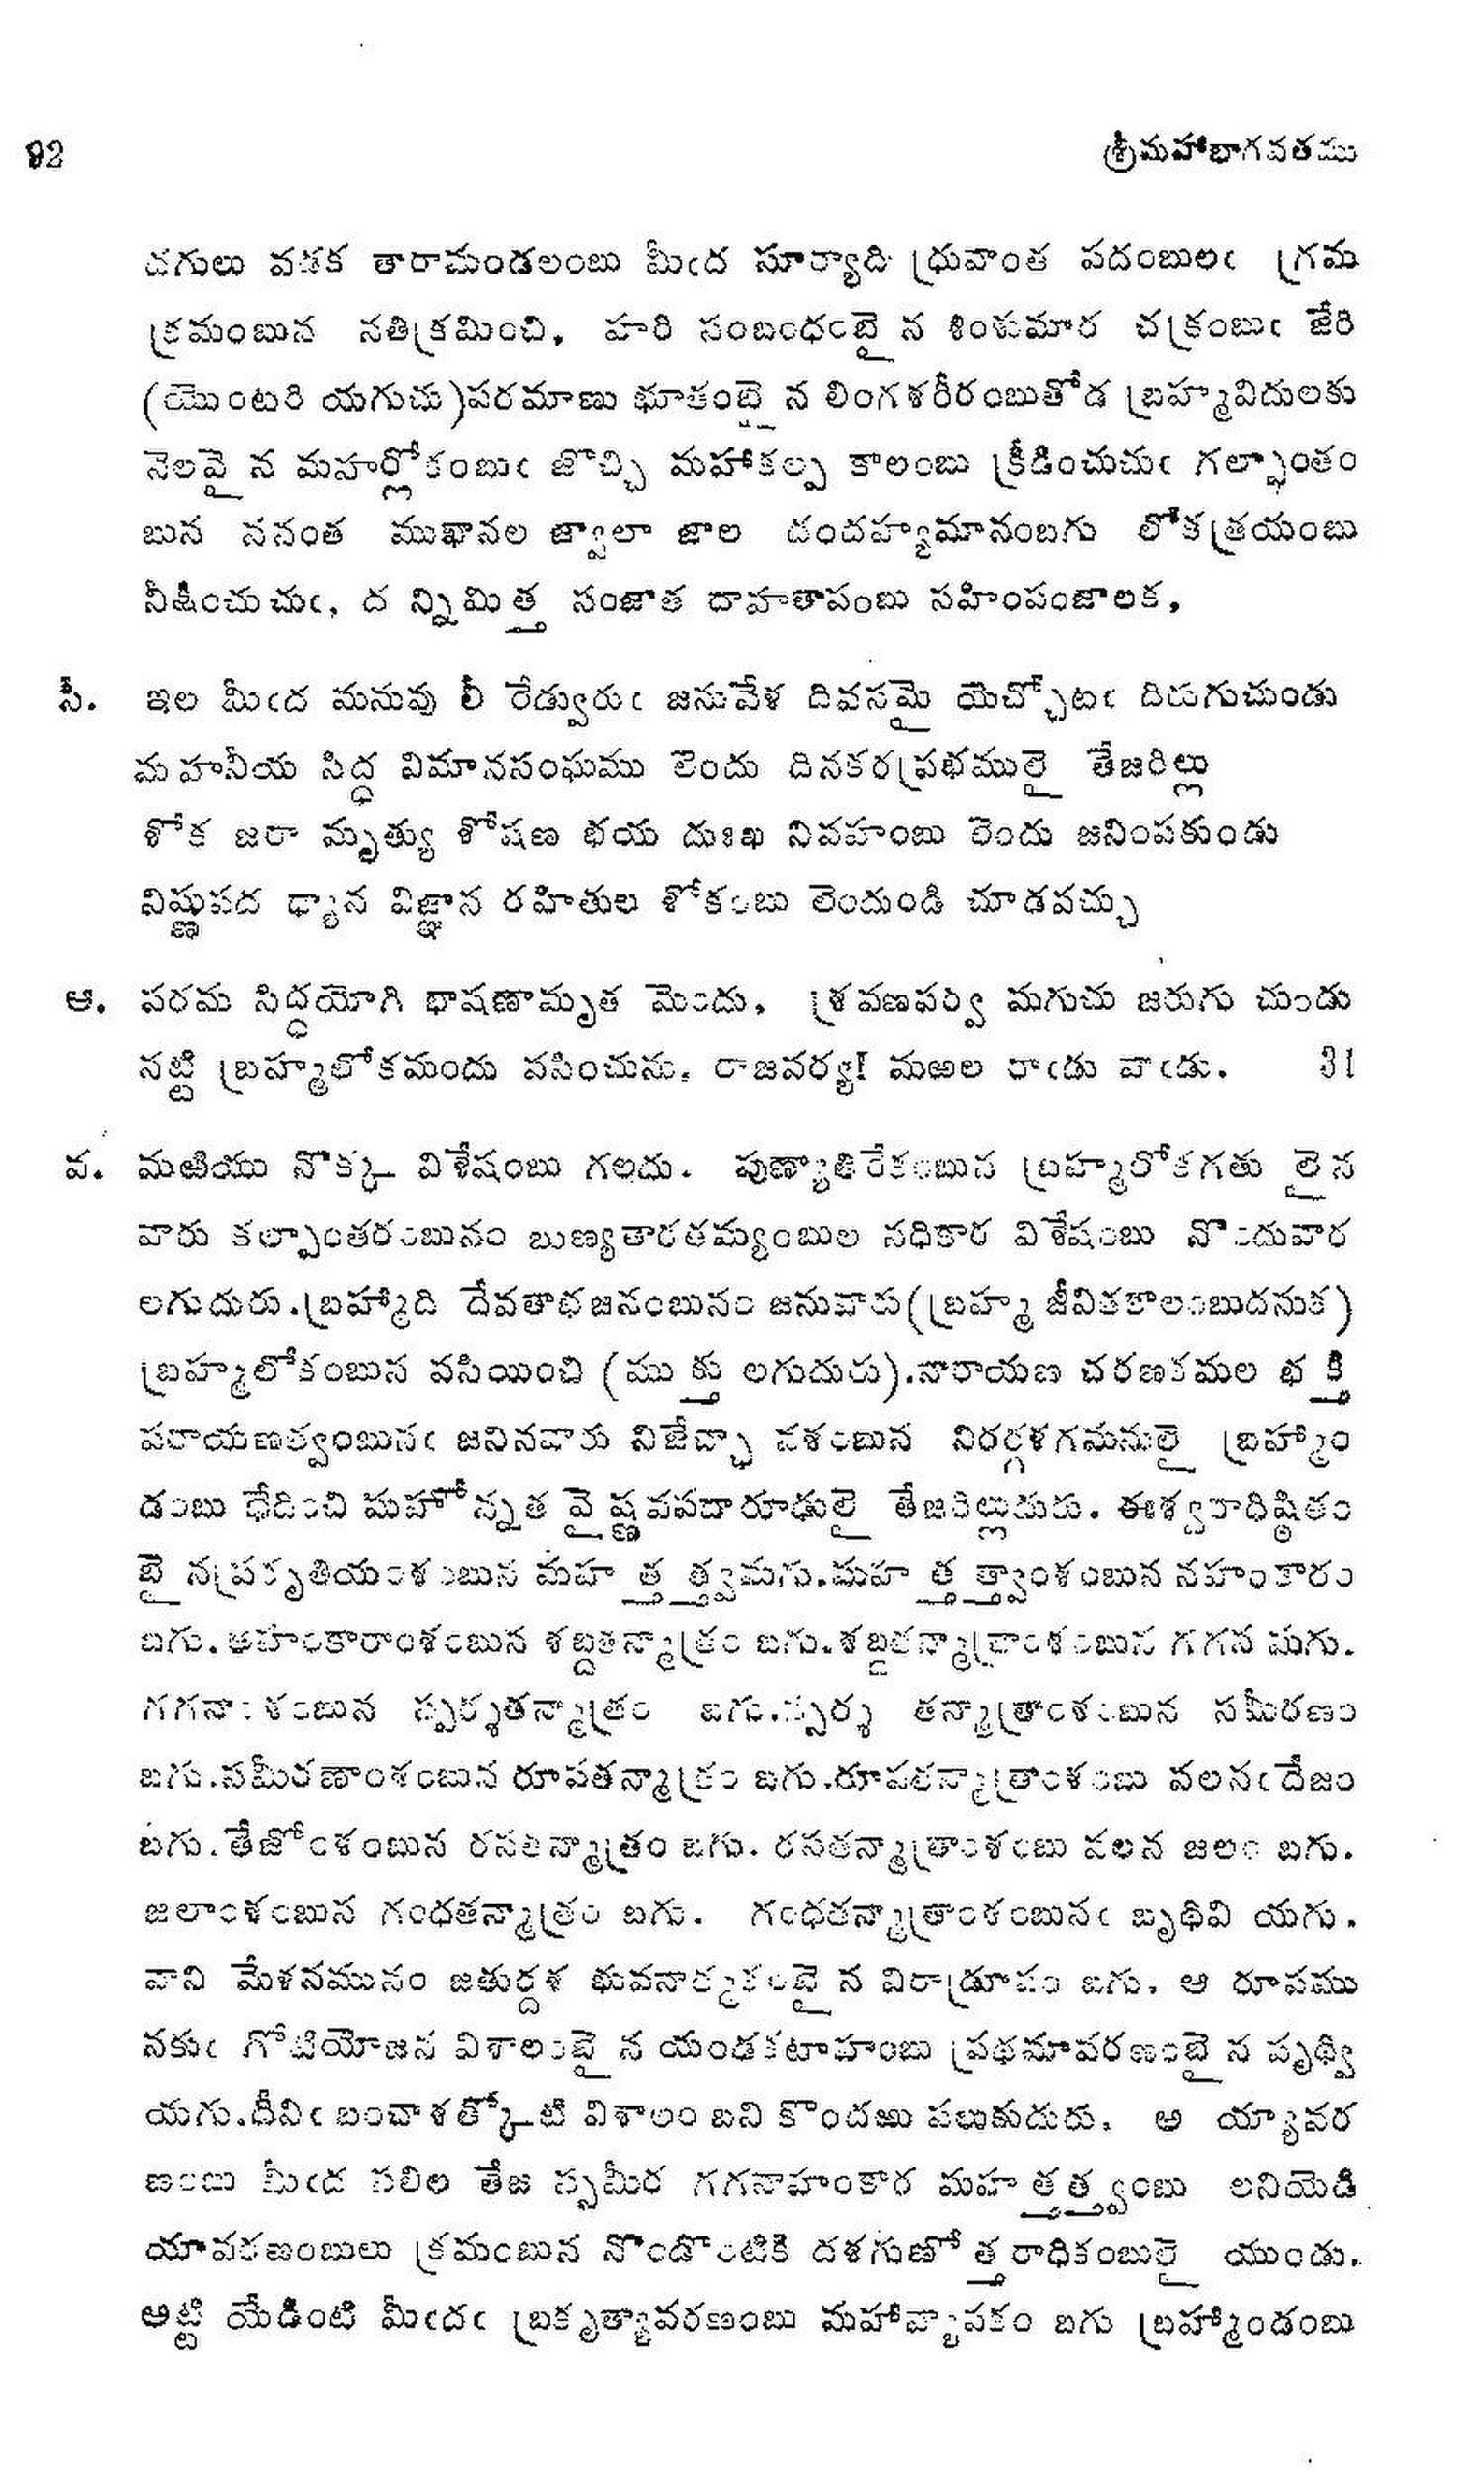92

యెందునుందగులు వడక తారామండలంబు మీఁద సూర్యాది ధ్రవాంత 

పదంబులఁ గ్రమ కక్రమంబున నతిక్రమించి, హరి సంబంధంబైన శింశుమార చక్రంబుఁ జేరి ( యొంటరి యగుచు ) పరమాణుభూతంబైన లింగశరీరంబుతోడ బ్రహ్మవిదులకు 

నెలవైన మహర్లోకంబుఁ జొచ్చి దందహ్యమానంబగు లోకత్రయంబు వీక్షించుచుఁ, ద న్నిమిత్త సంజాత దాహతాపంబు సహింపజాలక. ( 30 )

సీ. ఇల మీఁద మనువు లీ రేడ్వురుఁ జనువేళ దిపసమై యెచ్చోటఁ దిరుగుచుండు

మహనీయ సిద్ధి విమానసంఘము లెందు దినకరప్రభములై తేజరిల్లు

శోక జరా మృత్యు శోషణ భయ దుఃఖ నివహంబు లెందు జనింపకుండు

విష్ణుపద ధ్యాన విజ్ఞాన రహితుల శోకంబు లెందుండి చూడవచ్చు

ఆ. పరమ సిద్ధి యోగి భాషణామృత మెందు, శ్రవణపర్వ మగుచు జరుగు చుండు

నట్టి బ్రహ్మలోకమంచు వసించును, రాజవర్య ! మఱల రాఁడు వాఁడు ( 31 )

వ. మఱియు నొక్క విశేషంబు కలదు. పుణ్యతిరేకంబున బ్రహ్మలోకగతు లైన వారు కల్పాంతరంబునం బుణ్యతారతమ్యంబుల నధికార విశేషంబు నొందువారలగుదురు. 

బ్రహ్మాది దేవతాభజనంబునం జనువారౌ ( బ్రహ్మా జీవితకాలంబుదనుక ) బ్రమలోకంబున వసియించి ( ముక్తి లగుదురు ). నారాయణ చరణకమల భక్తి పరాయణత్వంబునఁ 

జనినవారు నిజేచ్ఛా వశంబున నిరర్గళగమనులై బ్రహ్మాండంబు భేదించి మహోన్నత వైష్ణవపదారూఢులై తేజరిల్లుదురు. ఈశ్వరాధిష్టితంబైన ప్రకృతియంశంబున 

మహత్తత్త్వమగు. మహత్తత్త్వంశంబున నహంకారంబగు. అహంకారాంశంబున శబ్దతన్మారత్రంబగు. శబ్దతన్మాత్రాంశంబున గగన మగు. గగననాంశంబున స్పర్శరన్మాత్రంబగు. 

స్పర్శతన్మాత్రాంశంబున సమీరణంబగు. నమీరణాంశంబున రూపతన్మాత్రంబగు. రూపతన్మాత్రాంశంబు వలనఁ దేజంబగు. తేజోంశంబున రసతన్మాత్రంబగు. 

రసతన్మాత్రాంశంబు వలనఁ జలశంబగు. జలాంశంబున హంధతన్మాత్రంబగు. గంధతన్మాత్రాంశంబు వలన బృథివి యగు. వాని మేళనమునం జతుర్దశ భువనాత్మకంబైన 

విరాడ్రూపం బగు. ఆ రూపమునకుఁ గోటియోజన విశాలంబైన యండకటాహాంబు ప్రథమావరణంబైన పృథ్వి యగు. దీనిఁ బంచాశత్కోటి విశాలం బని కొందఱు పలుకుదురు,

అయ్యవరణంబు మీఁద సలిల తేజ స్సమీర గగనాహంకార మహత్తత్త్వంబు లనియెడి యావరణంబులు క్రమంబున నొండుంటికి సశగుణోత్తరాధికంబలై యుండు. అట్టి

యేడింటి మీఁదఁ బ్రకృత్యావరణంబు మహావ్యాపకం బగుఇ బ్రహ్మాండంబు